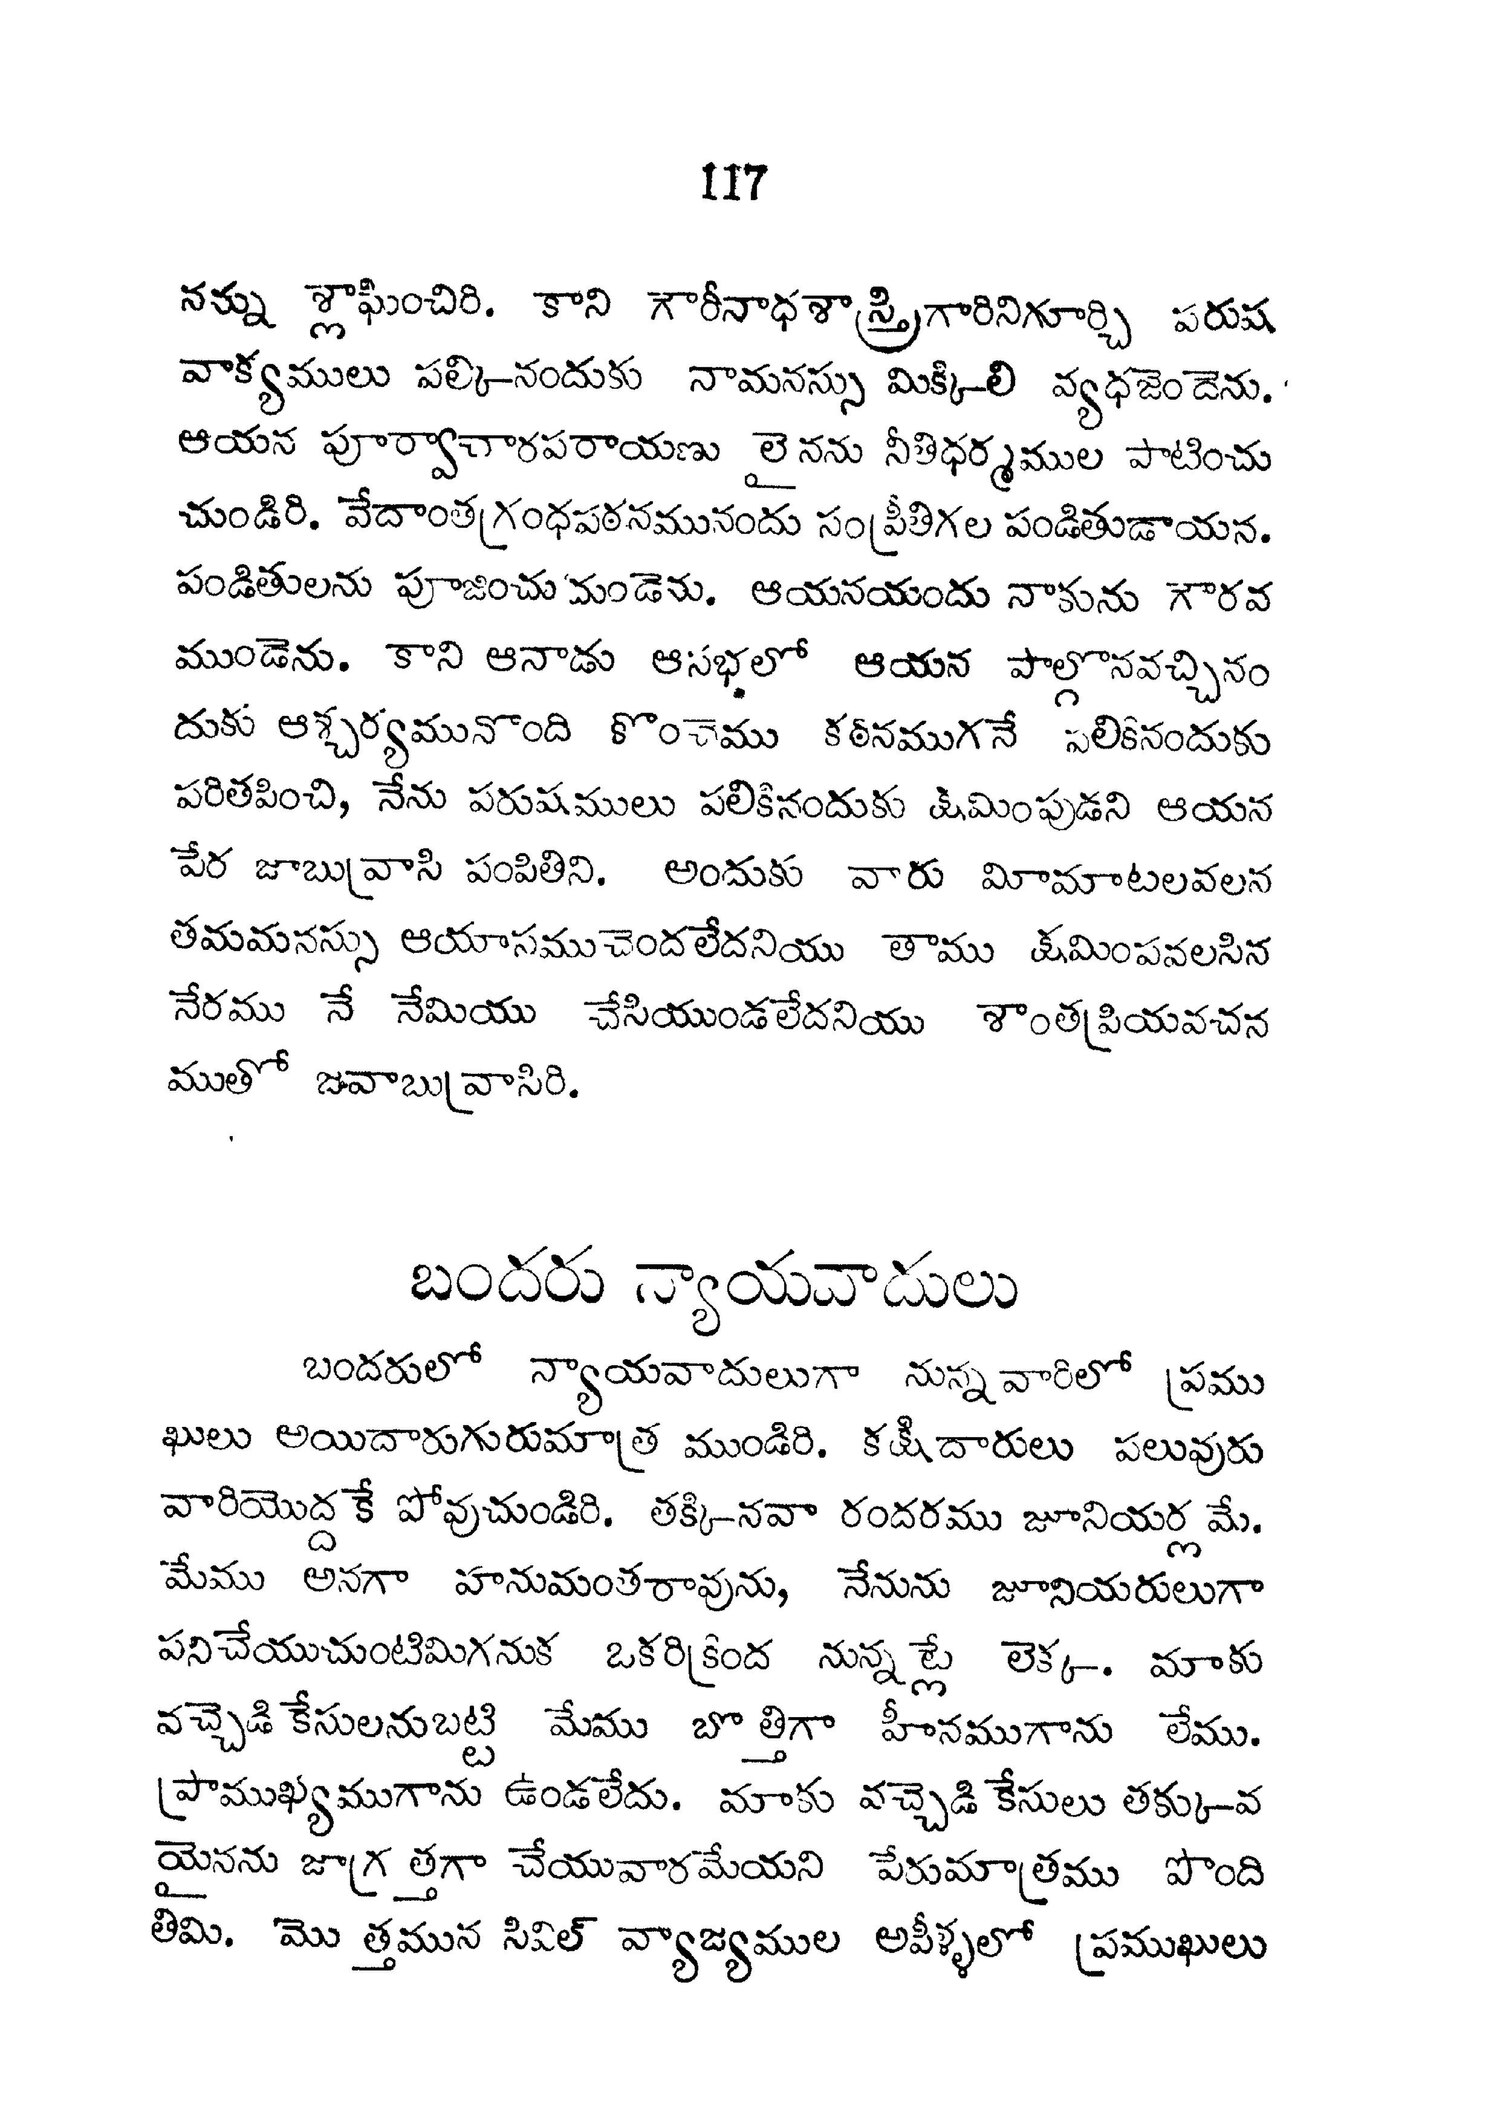నన్ను శ్లాఘించిరి. కాని గౌరీనాధశాస్త్రిగారినిగూర్చి పరుషవాక్యములు పల్కినందుకు నామనస్సు మిక్కిలి వ్యధజెందెను. ఆయన పూర్వాచారపరాయణు లైనను నీతిధర్మముల పాటించు చుండిరి. వేదాంతగ్రంథపఠనమునందు సంప్రీతిగల పండితుడాయన. పండితులను పూజించుచుండెను. ఆయనయందు నాకును గౌరవ ముండెను. కాని ఆనాడు ఆసభలో ఆయన పాల్గొనవచ్చినందుకు ఆశ్చర్యమునొంది కొంచెము కఠినముగనే పలికినందుకు పరితపించి, నేను పరుషములు పలికినందుకు క్షమింపుడని ఆయన పేర జాబువ్రాసి పంపితిని. అందుకు వారు మీమాటలవలన తమమనస్సు ఆయాసము చెందలేదనియు తాము క్షమింపవలసిన నేరము నే నేమియు చేసియుండలేదనియు శాంతప్రియవచనముతో జవాబువ్రాసిరి.

బందురులో న్యాయవాదులుగా నున్నవారిలో ప్రముఖులు అయిదారుగురుమాత్ర ముండిరి. కక్షిదారులు పలువురు వారియొద్దకే పోవుచుండిరి. తక్కినవా రందరము జూనియర్లమే. మేము అనగా హనుమంతరావును, నేనును జూనియరులుగా పనిచేయుచుంటిమిగనుక ఒకరిక్రింద నున్నట్లే లెక్క, మాకు వచ్చెడికేసులనుబట్టి మేము బొత్తిగా హీనముగాను లేము. ప్రాముఖ్యముగాను ఉండలేదు. మాకు వచ్చెడికేసులు తక్కువయైనను జాగ్రత్తగా చేయువారమేయని పేరుమాత్రము పొందితిమి. మొత్తమున సివిల్ వ్యాజ్యముల అపీళ్ళలో ప్రముఖులు